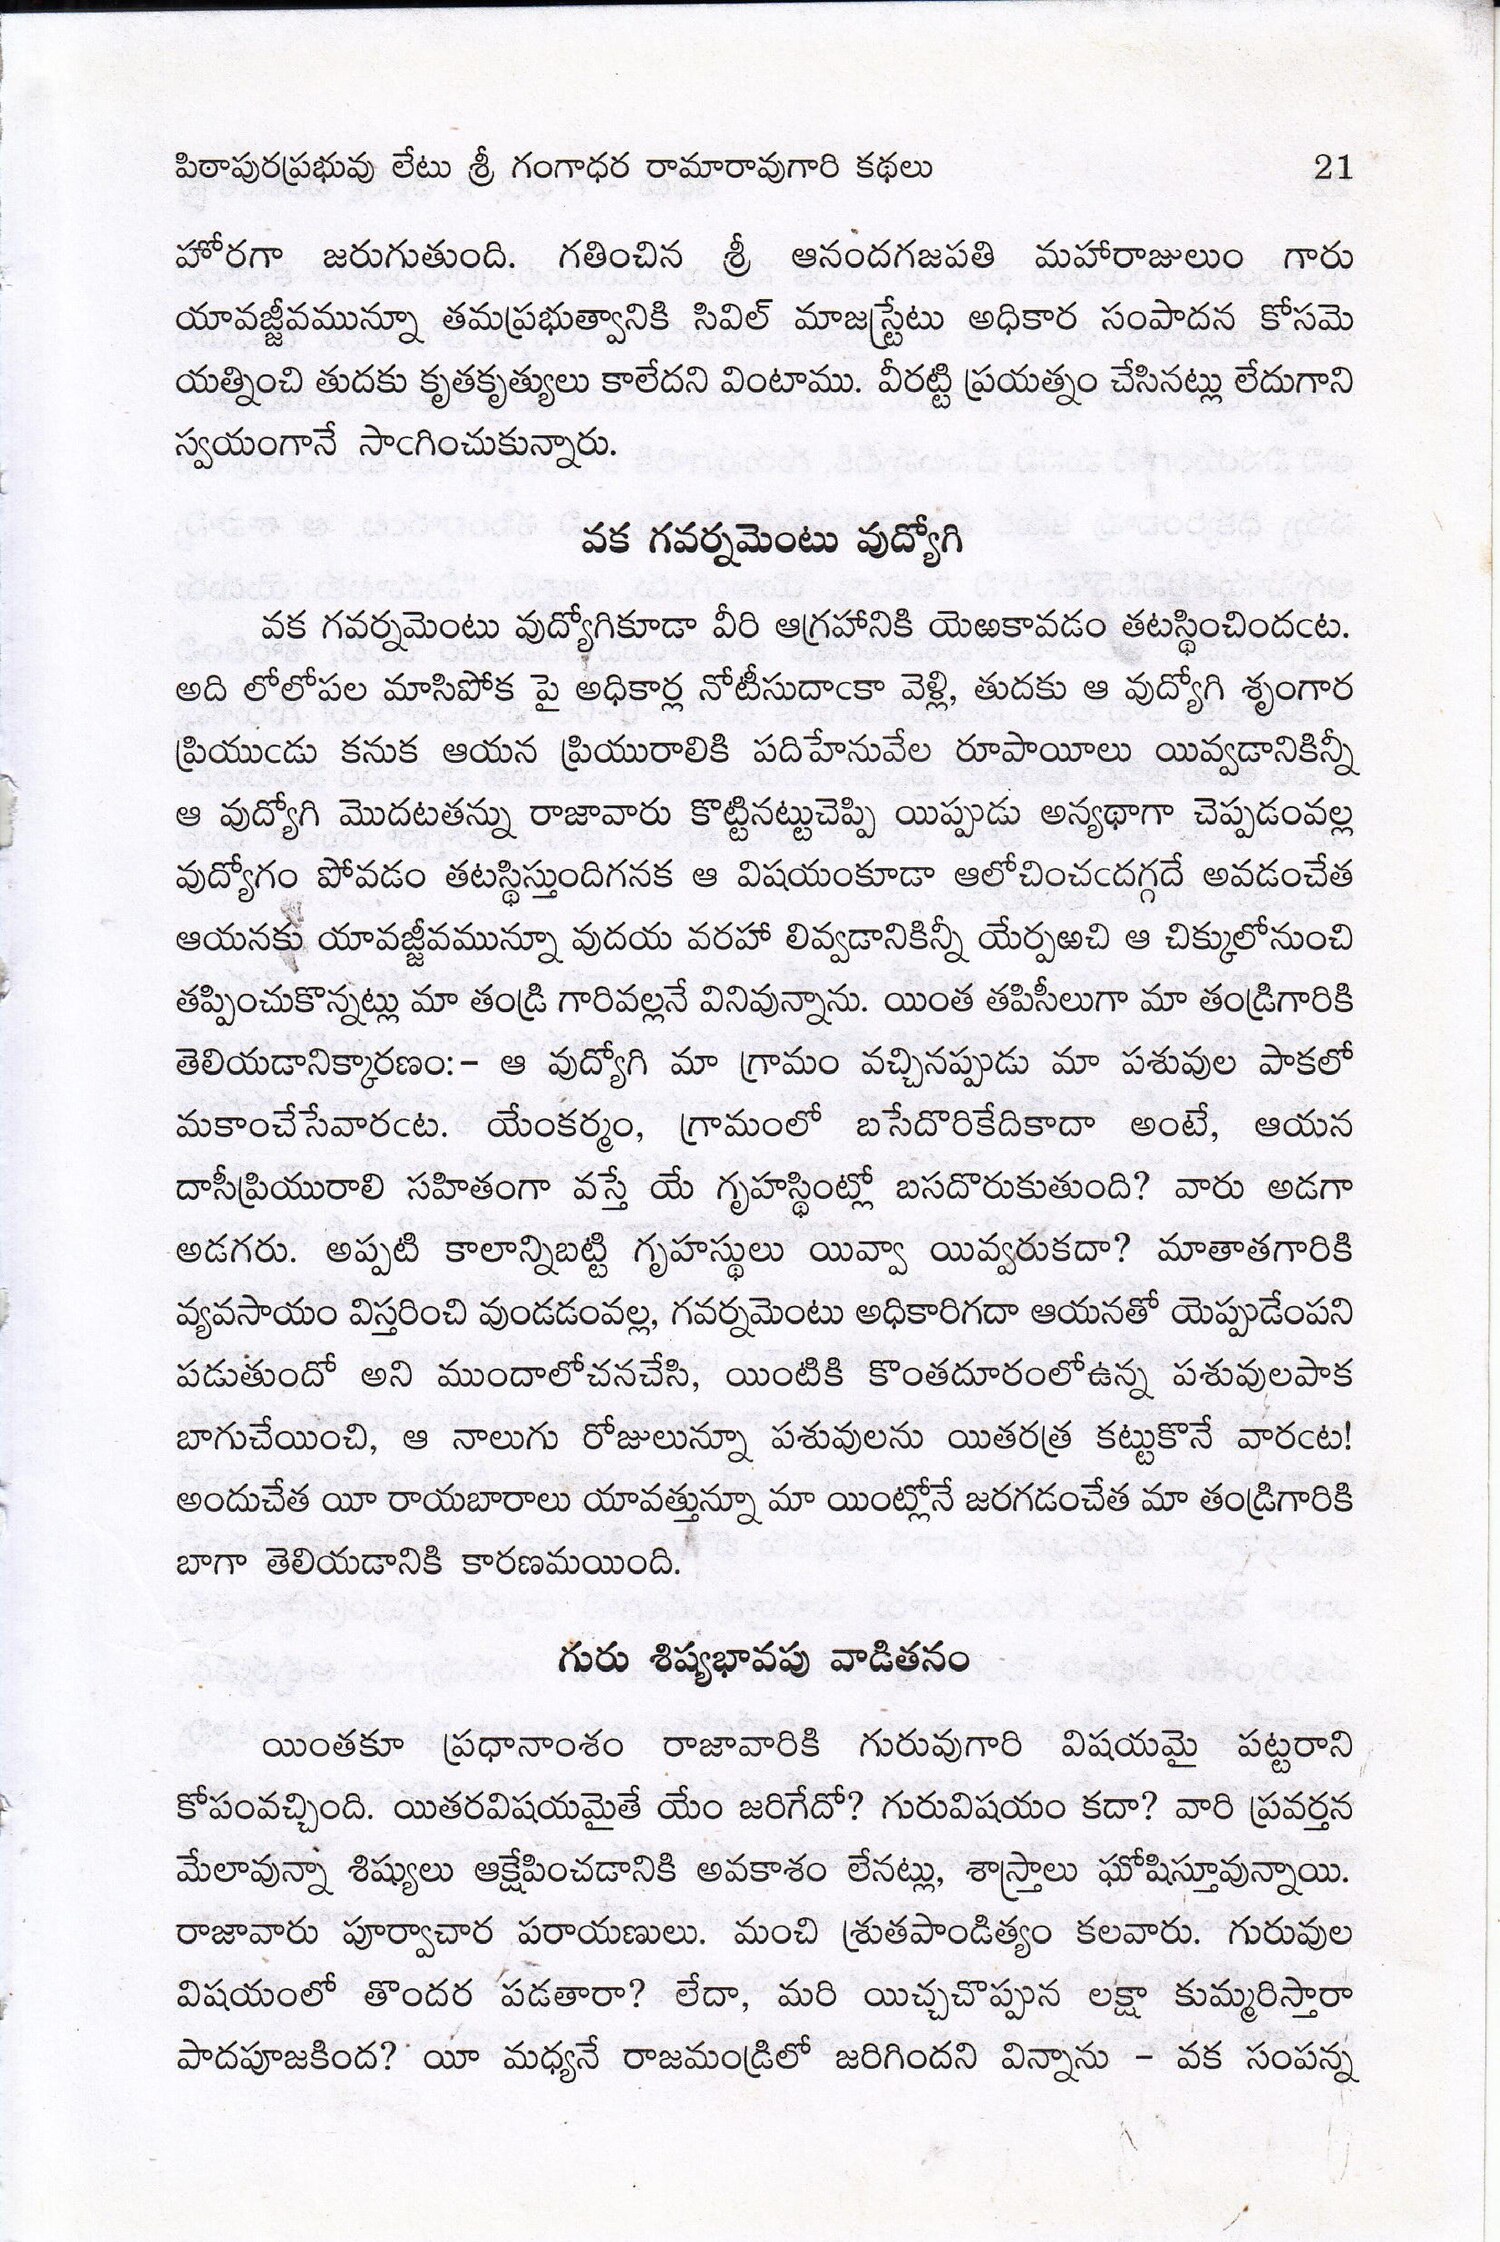హోరగా జరుగుతుంది. గతించిన శ్రీ ఆనందగజపతి మహారాజులుం గారు యావజ్జీవమున్నూ తమప్రభుత్వానికి సివిల్ మాజ స్టేటు అధికార సంపాదన కోసమె యత్నించి తుదకు కృతకృత్యులు కాలేదని వింటాము. వీరట్టి ప్రయత్నం చేసినట్లు లేదుగాని స్వయంగానే సాంగించుకున్నారు.

వక గవర్నమెంటు వుద్యోగికూడా వీరి ఆగ్రహానికి యెఱకావడం తటస్థించిందంట. అది లోలోపల మాసిపోక పై అధికార్ల నోటీసుదాంకా వెళ్లి, తుదకు ఆ వుద్యోగి శృంగార ప్రియుండు కనుక ఆయన ప్రియురాలికి పదిహేనువేల రూపాయీలు యివ్వడానికిన్నీ ఆ వుద్యోగి మొదటతన్ను రాజావారు కొట్టినట్టుచెప్పి యిప్పడు అన్యథాగా చెప్పడంవల్ల వుద్యోగం పోవడం తటస్థిస్తుందిగనక ఆ విషయంకూడా ఆలోచించందగ్గదే అవడంచేత ఆయనకు యావజ్జీవమున్నూ వుదయ వరహా లివ్వడానికిన్నీ యేర్పఱచి ఆ చిక్కులోనుంచి తప్పించుకొన్నట్లు మా తండ్రి గారివల్లనే వినివున్నాను. యింత తపిసీలుగా మా తండ్రిగారికి తెలియడానిక్కారణం:- ఆ వుద్యోగి మా గ్రామం వచ్చినప్పడు మా పశువుల పాకలో మకాంచేసేవారంట. యేంకర్మం, గ్రామంలో బసేదొరికేదికాదా అంటే, ఆయన దాసీప్రియురాలి సహితంగా వస్తే యే గృహస్థింట్లో బసదొరుకుతుంది? వారు అడగా అడగరు. అప్పటి కాలాన్నిబట్టి గృహసులు యివ్వా యివ్వరుకదా? మాతాతగారికి వ్యవసాయం విస్తరించి వుండడంవల్ల, గవర్నమెంటు అధికారిగదా ఆయనతో యెప్పుడేంపని పడుతుందో అని ముందాలోచనచేసి, యింటికి కొంతదూరంలోఉన్న పశువులపాక బాగుచేయించి, ఆ నాలుగు రోజులున్నూ పశువులను యితరత్ర కట్టుకొనే వారంట! అందుచేత యీ రాయబారాలు యావత్తున్నూ మా యింట్లోనే జరగడంచేత మా తండ్రిగారికి బాగా తెలియడానికి కారణమయింది.

యింతకూ ప్రధానాంశం రాజావారికి గురువుగారి విషయమై పట్టరాని కోపంవచ్చింది. యితరవిషయమైతే యేం జరిగేదో? గురువిషయం కదా? వారి ప్రవర్తన మేలావున్నా శిష్యులు ఆక్షేపించడానికి అవకాశం లేనట్లు, శాస్త్రాలు ఫరోషిస్తూవున్నాయి. రాజావారు పూర్వాచార పరాయణులు. మంచి శ్రుతపాండిత్యం కలవారు. గురువుల విషయంలో తొందర పడతారా? లేదా, మరి యిచ్చచొప్పున లక్షా కుమ్మరిస్తారా పాదపూజకింద? యీ మధ్యనే రాజమండ్రిలో జరిగిందని విన్నాను - వక సంపన్న
- ^